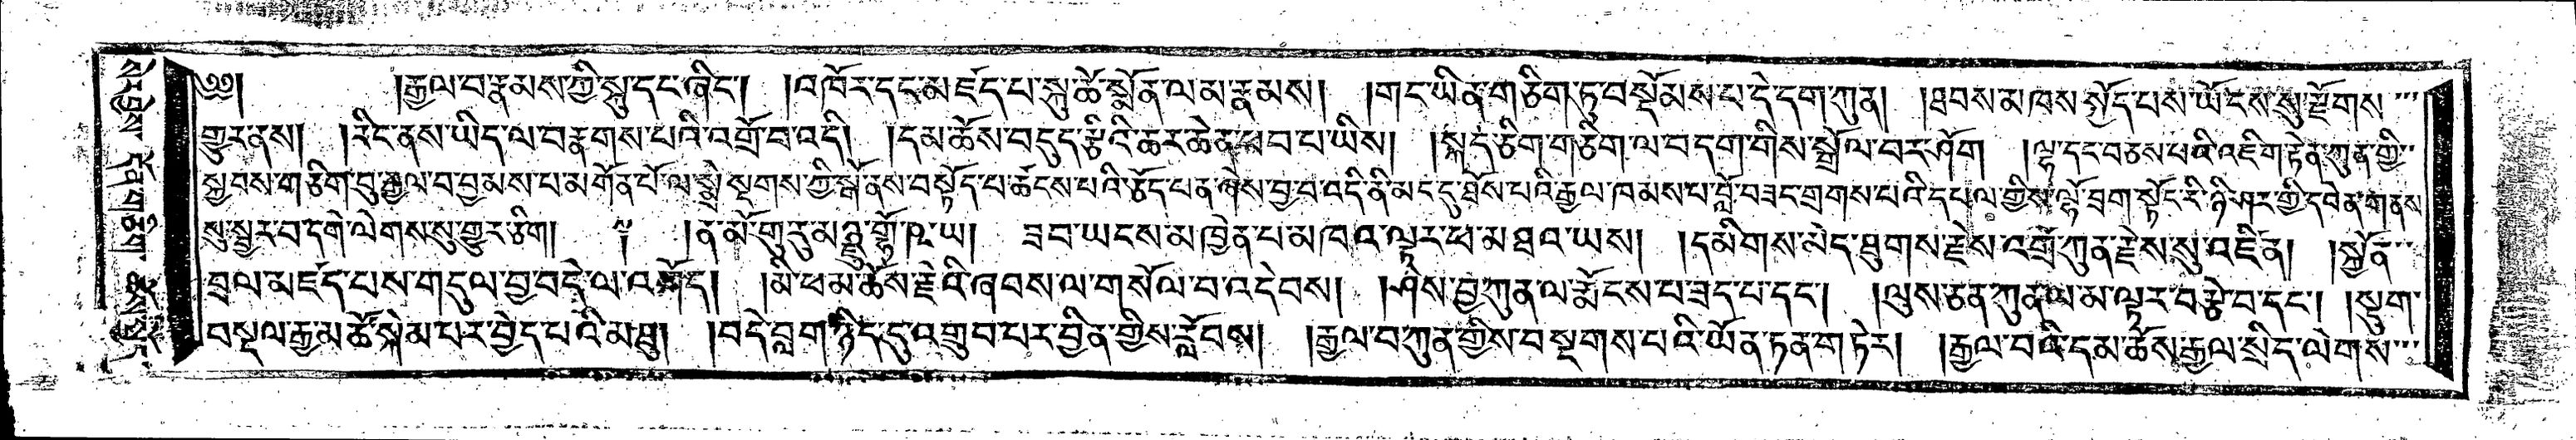༄༅། །རྒྱལ་བ་རྣམས་ཀྱི་སྐུ་དང་ཞིང་། །འཁོར་དང་མཛད་པ་སྐུ་ཚེ་སྨོན་ལམ་རྣམས། །གང་ཡིན་གཅིག་ཏུ་བསྡོམས་པ་དེ་དག་ཀུན། །ཐབས་མཁས་སྤྱོད་པས་ཡོངས་སུ་རྫོགས་
གྱུར་ནས། །རིང་ནས་ཡིད་ལ་བརྣགས་པའི་འགྲོ་བ་འདི། །དམ་ཆོས་བདུད་རྩིའི་ཆར་ཆེན་ཕབ་པ་ཡིས། །སྐད་ཅིག་གཅིག་ལ་བདག་གིས་སྒྲོལ་བར་ཤོག །ལྷ་དང་བཅས་པའི་འཇིག་རྟེན་ཀུན་གྱི་
སྐྱབས་གཅིག་བུ་རྒྱལ་བ་བྱམས་པ་མགོན་པོ་ལ་སྨྲེ་སྔགས་ཀྱི་སྒོ་ནས་བསྟོད་པ་ཚངས་པའི་ཅོད་པན་ཞེས་བྱ་བ་འདི་ནི་མང་དུ་ཐོས་པའི་རྒྱལ་ཁམས་པ་བློ་བཟང་གྲགས་པའི་དཔལ་གྱིས་ལྷོ་བྲག་སྟོང་རི་ཉི་ཤར་གྱི་དབེན་གནས་
སུ་སྦྱར་བ་དགེ་ལེགས་སུ་གྱུར་ཅིག །༈ །ན་མོ་གུ་རུ་མཉྫུ་གྷོ་ཥ་ཡ། ཟབ་ཡངས་མཁྱེན་པ་མཁའ་ལྟར་ཕ་མཐའ་ཡས། །དམིགས་མེད་ཐུགས་རྗེས་འགྲོ་ཀུན་རྗེས་སུ་འཛིན། །སྐྱོན་
བྲལ་མཛད་པས་གདུལ་བྱ་བདེ་ལ་འགོད། །མི་ཕམ་ཆོས་རྗེའི་ཞབས་ལ་གསོལ་བ་འདེབས། །ཤེས་བྱ་ཀུན་ལ་རྨོངས་པ་ཟད་པ་དང་། །ལུས་ཅན་ཀུན་ལ་མ་ལྟར་བརྩེ་བ་དང་། །སྡུག་
བསྔལ་རྒྱ་མཚོ་སྐེམ་པར་བྱེད་པའི་མཐུ། །བདེ་བླག་ཉིད་དུ་འགྲུབ་པར་བྱིན་གྱིས་རློབས། །རྒྱལ་བ་ཀུན་གྱིས་བསྔགས་པའི་ཡོན་ཏན་གཏེར། །རྒྱལ་བའི་དམ་ཆོས་རྒྱལ་སྲིད་ལེགས་